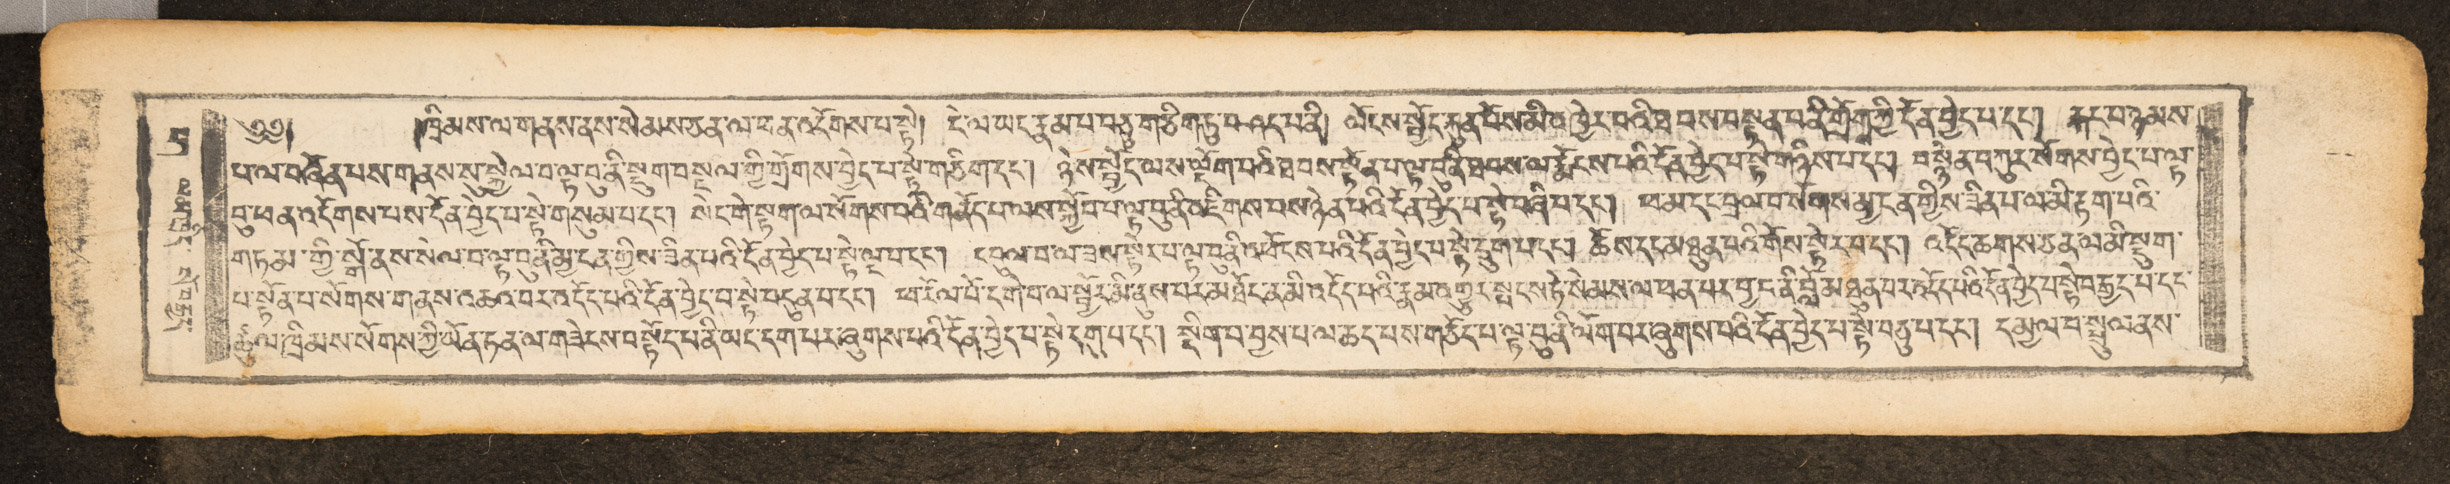༄༅། །ཁྲིམས་ལ་གནས་ནས་སེམས་ཅན་ལ་ཕན་འདོགས་པ་སྟེ། དེ་ལ་ཡང་རྣམ་པ་བཅུ་གཅིག་ཏུ་བཤད་པ་ནི། ལོངས་སྤྱོད་རྐུན་པོས་མི་འཁྱེར་བའི་ཐབས་བསྟན་པ་ནི་གྲོགས་ཀྱི་དོན་བྱེད་པ་དང་། རྐང་པ་ཉམས་
པ་ལ་བཞོན་པས་གནས་སུ་སྐྱེལ་བ་ལྟ་བུ་ནི་སྡུག་བསྔལ་གྱི་གྲོགས་བྱེད་པ་སྟེ་གཅིག་དང་། ཉེས་སྤྱོད་ལས་ལྡོག་པའི་ཐབས་སྟོན་པ་ལྟ་བུ་ནི་ཐབས་ལ་རྨོངས་པའི་དོན་བྱེད་པ་སྟེ་གཉིས་པ་དང་། བསྙེན་བཀུར་སོགས་བྱེད་པ་ལྟ་
བུ་ཕན་འདོགས་པས་དོན་བྱེད་པ་སྟེ་གསུམ་པ་དང་། སེང་གེ་སྟག་ལ་སོགས་པའི་གནོད་པ་ལས་སྐྱོབ་པ་ལྟ་བུ་ནི་འཇིགས་པས་ཉེན་པའི་དོན་བྱེད་པ་སྟེ་བཞི་པ་དང་། ཕ་མ་དང་བྲལ་བ་སོགས་མྱ་ངན་གྱིས་ཟིན་པ་ལ་མི་རྟག་པའི་
གཏམ་གྱི་སྒོ་ནས་སེལ་བ་ལྟ་བུ་ནི་མྱ་ངན་གྱིས་ཟིན་པའི་དོན་བྱེད་པ་སྟེ་ལྔ་པ་དང་། དབུལ་བ་ལ་ཟས་སྟེར་པ་ལྟ་བུ་ནི་འཕོངས་པའི་དོན་བྱེད་པ་སྟེ་དྲུག་པ་དང་། ཆོས་དང་མཐུན་པའི་གོས་སྟེར་པ་དང་། འདོད་ཆགས་ཅན་ལ་མི་སྡུག་
པ་སྟོན་པ་སོགས་གནས་འཆའ་བར་འདོད་པའི་དོན་བྱེད་པ་སྟེ་བདུན་པ་དང་། ཕ་རོལ་པོ་དགེ་བ་ལ་སྦྱོར་མི་ནུས་པར་མཐོང་ན་མི་འདོད་བའི་རྣམ་འགྱུར་སྤངས་ཏེ་སེམས་ལ་ཕན་པར་བྱ་བ་ནི་བློ་མཐུན་པར་འདོད་པའི་དོན་བྱེད་པ་སྟེ་བརྒྱད་པ་དང་
ཚུལ་ཁྲིམས་སོགས་ཀྱི་ཡོན་ཏན་ལ་གཟེངས་བསྟོད་པ་ནི་ཡང་དག་པར་ཞུགས་པའི་དོན་བྱེད་པ་སྟེ་དགུ་པ་དང་། སྡིག་པ་བྱས་པ་ལ་ཆད་པས་གཅོད་པ་ལྟ་བུ་ནི་ལོག་པར་ཞུགས་པའི་དོན་བྱེད་པ་སྟེ་བཅུ་པ་དང་། དམྱལ་བ་སྤྲུལ་ནས་